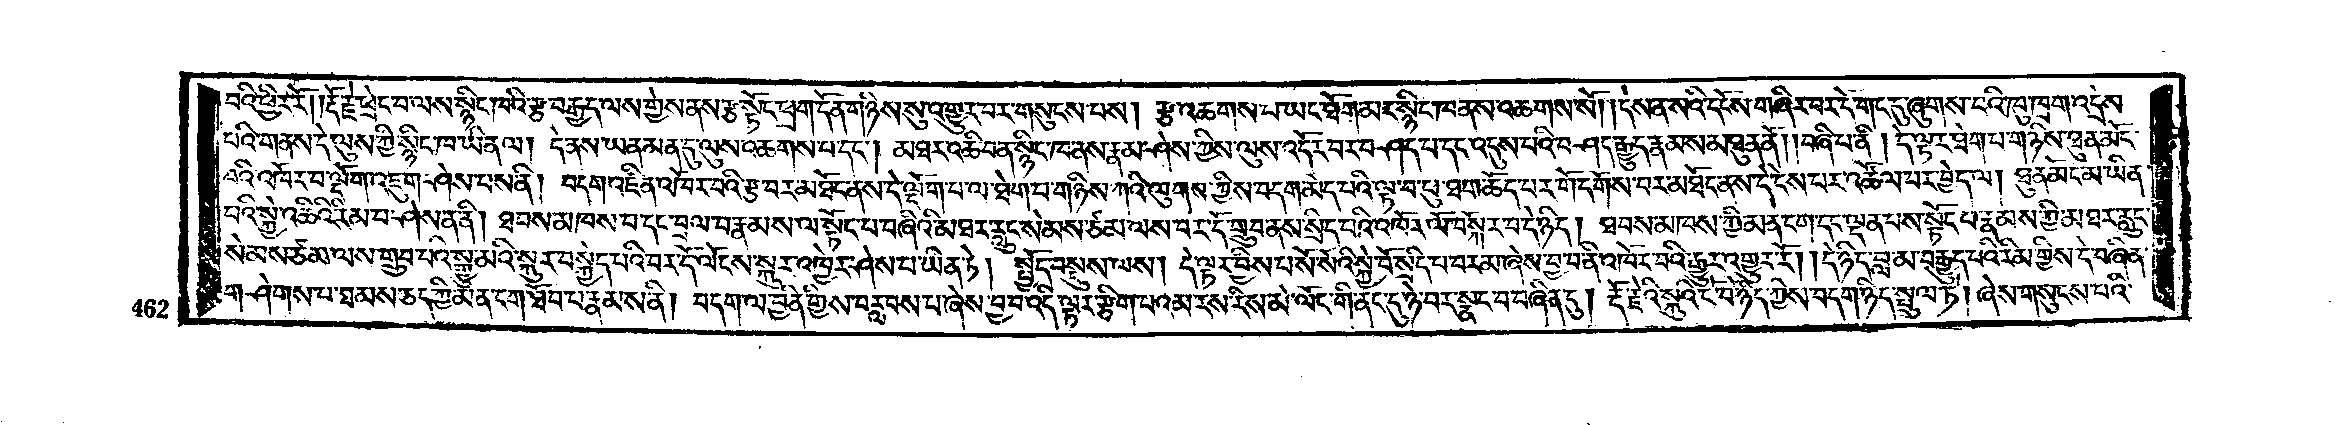པའི་ཕྱིར་རོ། །རྡོ་རྗེ་ཕྲེང་བ་ལས་སྙིང་ཁའི་རྩ་བརྒྱད་ལས་གྱེས་ནས་རྩ་སྟོང་ཕྲག་དོན་གཉིས་སུ་འགྱུར་བར་གསུངས་པས། རྩ་འཆགས་པ་ཡང་ཐོག་མར་སྙིང་ཁ་ནས་འཆགས་སོ། །དེས་ན་སའི་དངོས་གཞིར་བར་དོ་གང་དུ་ཞུགས་པའི་ཁུ་ཁྲག་འདྲེས་
པའི་གནས་དེ་ལུས་ཀྱི་སྙིང་ཁ་ཡིན་ལ། དེ་ནས་ཡན་མན་དུ་ལུས་འཆགས་པ་དང་། མཐར་འཆི་བ་ན་སྙིང་ཁ་ནས་རྣམ་ཤེས་ཀྱིས་ལུས་འདོར་བར་བཤད་པ་དང་འདུས་པའི་བཤད་རྒྱུད་རྣམས་མཐུན་ནོ། །བཞི་པ་ནི། དེ་ལྟར་ཐེག་པ་གཉིས་ཐུན་མོང་
བའི་འཁོར་བ་ལྡོག་འཇུག་ཤེས་པས་ནི། བདག་འཛིན་འཁོར་བའི་རྩ་བར་མཐོང་ནས་དེ་ལྡོག་པ་ལ་ཐེག་པ་གཉིས་ཀའི་ལུགས་ཀྱིས་བདག་མེད་པའི་ལྟ་བ་ཕུ་ཐག་ཆོད་པར་གོ་དགོས་པར་མཐོང་ནས་དེ་ངེས་པར་འཚོལ་བར་བྱེད་ལ། ཐུན་མོང་མ་ཡིན་
པའི་སྐྱེ་འཆིའི་རིམ་པ་ཤེས་ན་ནི། ཐབས་མཁས་པ་དང་བྲལ་བ་རྣམས་ལ་སྟོང་པ་བཞིའི་མཐར་རླུང་སེམས་ཙམ་ལས་བར་དོ་གྲུབ་ནས་སྲིད་པའི་འཁོར་ལོ་བསྐོར་བ་དེ་ཉིད། ཐབས་མཁས་ཀྱི་མན་ངག་དང་ལྡན་པས་སྟོང་པ་རྣམས་ཀྱི་མཐར་རླུང་
སེམས་ཙམ་ལས་གྲུབ་པའི་སྒྱུ་མའི་སྐུར་བསྐྱེད་པའི་བར་དོ་ལོངས་སྐུར་འཁྱེར་ཤེས་པ་ཡིན་ཏེ། སྤྱོད་བསྡུས་ལས། དེ་ལྟར་བྱིས་པ་སོ་སོའི་སྐྱེ་བོ་སྲིད་པ་བར་མ་ཞེས་བྱ་བ་ནི་འཁོར་བའི་རྒྱུར་འགྱུར་རོ། །དེ་ཉིད་བླ་མ་བརྒྱུད་པའི་རིམ་གྱིས་དེ་བཞིན་
གཤེགས་པ་ཐམས་ཅད་ཀྱི་མན་ངག་ཐོབ་པ་རྣམས་ནི། བདག་ལ་བྱིན་གྱིས་བརླབས་པ་ཞེས་བྱ་བ་འདི་ལྟར་རྩིག་པའམ་རས་རིས་མེ་ལོང་གི་ནང་དུ་ཉེ་བར་སྣང་བ་བཞིན་དུ། རྡོ་རྗེའི་སྐུའི་ངོ་བོ་ཉིད་ཀྱིས་བདག་ཉིད་སྤྲུལ་ཏེ། ཞེས་གསུངས་པའི་